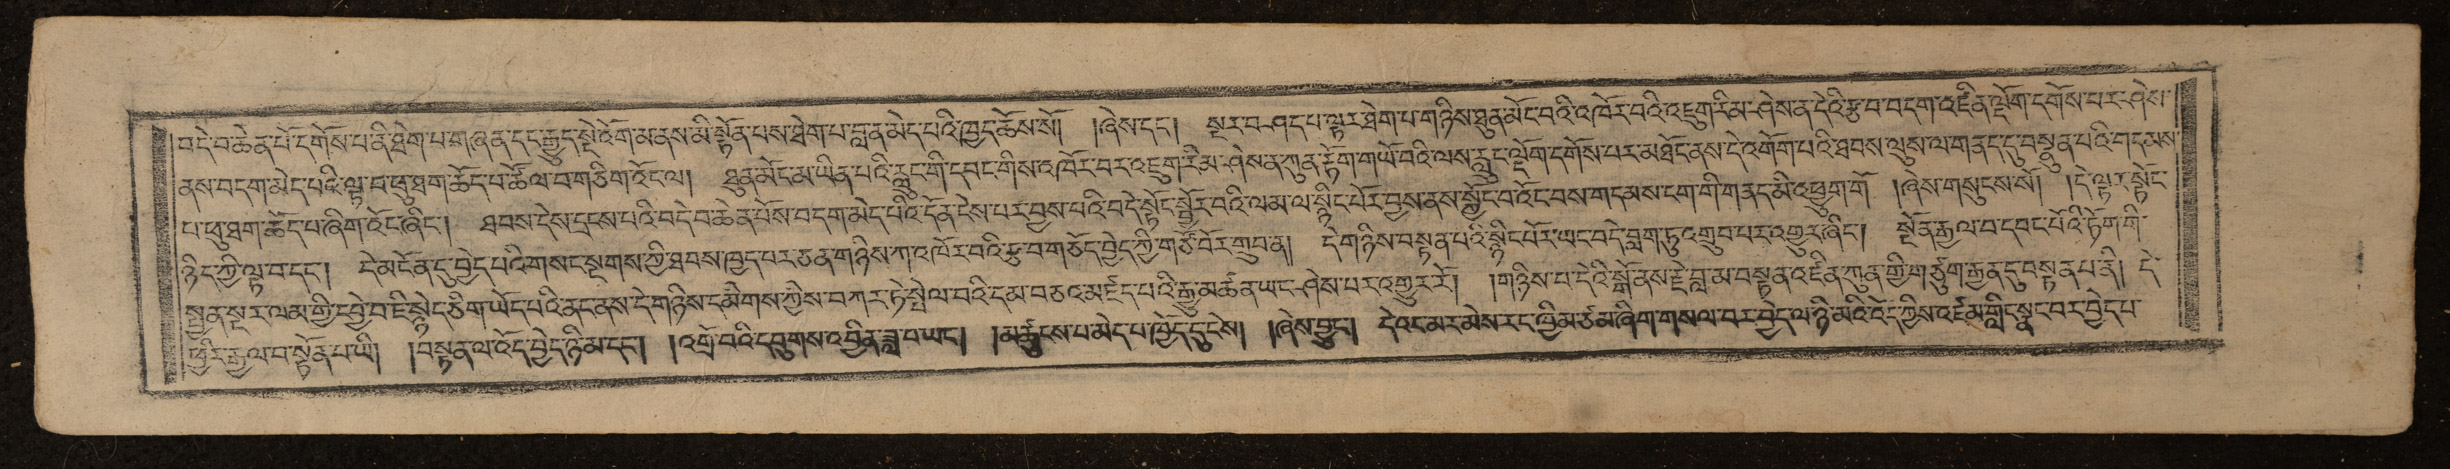བདེ་བ་ཆེན་པོ་དགོས་པ་ནི་ཐེག་པ་གཞན་དང་རྒྱུད་སྡེ་འོག་མ་ནས་མི་སྟོན་པས་ཐེག་པ་བླ་ན་མེད་པའི་ཁྱད་ཆོས་སོ། །ཞེས་དང་། སྔར་བཤད་པ་ལྟར་ཐེག་པ་གཉིས་ཐུན་མོང་བའི་འཁོར་པའི་འཇུག་རིམ་ཤེས་ན་དེའི་རྩ་པ་བདག་འཛིན་ལྡོག་དགོས་པར་ཤེས་
ནས་བདག་མེད་པའི་ལྟ་བ་ལུ་ཐག་ཆོད་པ་ཚོལ་བ་གཅིག་འོང་ལ། ཐུན་མོང་མ་ཡིན་པའི་རླུང་གི་དབང་གིས་འཁོར་བར་འཇུག་རིམ་ཤེས་ན་ཀུན་རྟོག་གཡོ་བའི་ལས་རླུང་ལྡོག་དགོས་པར་མཐོང་ནས་དེ་འགོག་པའི་ཐབས་ལུས་ལ་གནད་དུ་བསྣུན་པའི་གདམས་
པ་ཕུ་ཐག་ཆོད་པ་ཞིག་འོང་ཞིང་། ཐབས་དེས་དྲངས་པའི་བདེ་བ་ཆེན་པོས་བདག་མེད་པའི་དོན་ངེས་པར་བྱས་པའི་བདེ་སྟོང་སྦྱོར་བའི་ལམ་བ་སྙིང་པོར་བྱས་ནས་སྐྱོང་བ་འོང་བས་གདམས་ངག་གི་གནད་མི་འཕྱུག་གོ །ཞེས་གསུངས་སོ། །དེ་ལྟར་སྟོད་
ཉིད་ཀྱི་ལྟ་བ་དང་། དེ་མངོན་དུ་ཕྱེད་པའི་གསང་སྔགས་ཀྱི་ཐབས་ཁྱད་པར་ཅན་གཉིས་ཀ་འཁོར་བའི་རྩ་བ་གཅོད་བྱེད་ཀྱི་གཙོ་བོར་གྲུབ་ན། དེ་གཉིས་བསྟན་པའི་སྙིང་པོར་ཡང་བདེ་བླག་ཏུ་འགྲུབ་པར་འགྱུར་ཞིང་། སྔོན་རྒྱལ་བ་དབང་པོའི་ཏོག་གི་
སྤྱན་སྔར་ལམ་གྱི་དབྱེ་བ་ཇི་སྙེད་ཅིག་ཡོད་པའི་ནང་ནས་དེ་གཉིས་དམིགས་ཀྱིས་བཀར་ཏེ་སྤེལ་བའི་དམ་བཅས་མཛད་པའི་རྒྱུ་མཚན་ཡང་ཤེས་པར་འགྱུར་རོ། །གཉིས་པ་དེའི་སྒོ་ནས་རྗེ་བླ་མ་བསྟན་འཛིན་ཀུན་གྱི་གཙུག་རྒྱན་དུ་བསྟན་པ་ནི། དེ་
ཕྱིར་རྒྱལ་བ་སྟོན་པ་མི། །བསྟན་ལ་འོད་བྱེད་ཉི་མ་དང་། །འགྲོ་བའི་དབུགས་འབྱིན་ཟླ་བ་ཡང་། །མཚུངས་པ་མེད་བ་ཁྱོད་དུ་ངེས། །ཞེས་བྱུང་། དེའང་མར་མས་རང་ཁྱིམ་ཙམ་ཞིག་གསལ་བར་བྱེད་ལ་ཉི་མའི་འོད་ཀྱིས་འཛམ་གླིང་སྣང་བར་བྱེད་བ་